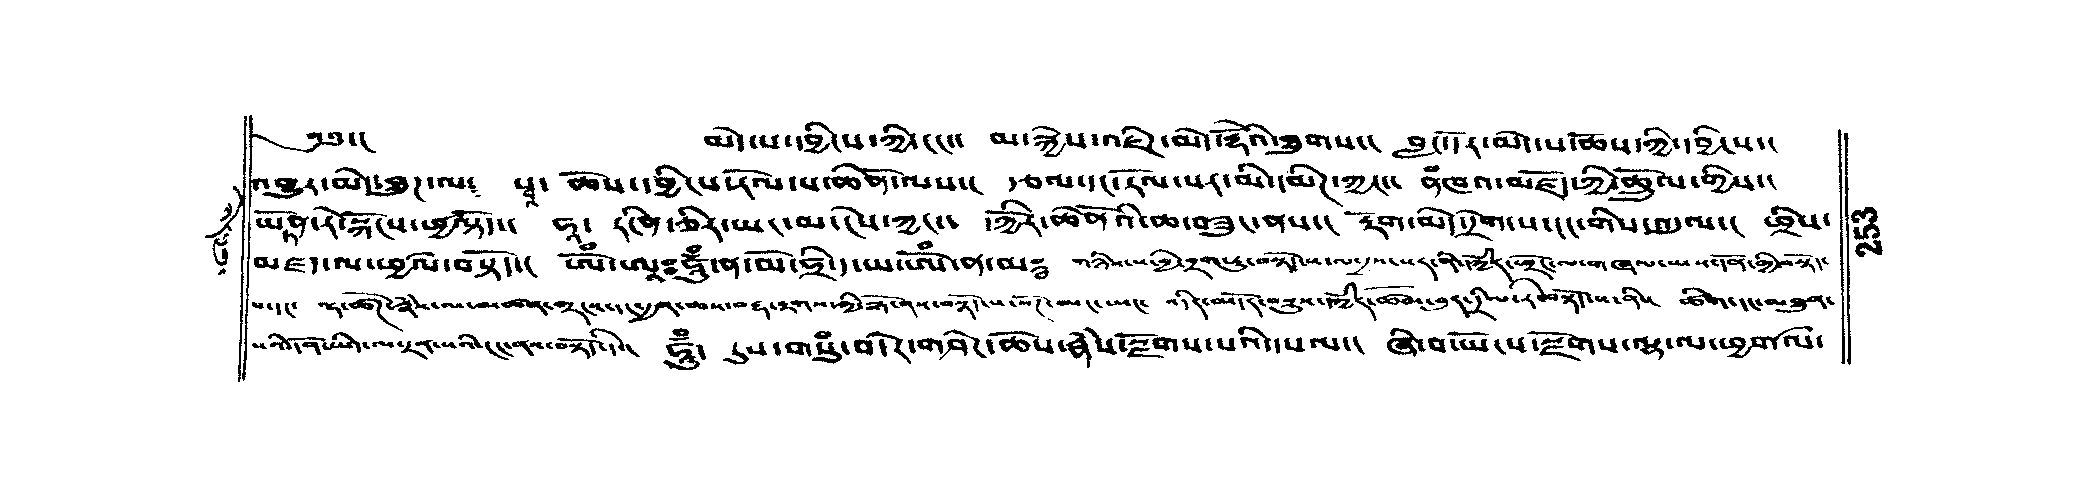མེད་པ་དབྱིངས་ཀྱི་ངང་། །མ་སྐྱེས་འཇིགས་མེད་རྡོ་རྗེའི་ཐུགས། །བླང་དོར་མེད་པ་ཆོས་ཀྱི་དབྱིངས། །
འགྱུར་མེད་ཐུགས་ལ་༴ སྭཱ། ཆོས་དབྱིངས་རོལ་པ་ཆེན་པོ་ལས། ། རྩལ་དང་རོལ་པ་མི་དམིགས་ཀྱང་། །ནམ་མཁའ་མཛོད་ཀྱི་ཆོ་འཕྲུལ་གྱིས། །
ཡོན་ཏན་རེ་སྐོངས་ཕྱག་འཚལ་བསྟོད། །ཧཱ། རང་བཞིན་ཅིར་ཡང་མ་ངེས་ཀྱང་། །དཀྱིལ་འཁོར་ཆེན་པོའི་ཆ་བཟུང་ནས། །རྟོག་མེད་དྲེག་པ་ངང་གིས་འདུལ། །ཕྲིན་ལས་
མཛད་ལ་ཕྱག་འཚལ་བསྟོད། །ཨོཾ་ཨཱཿཧཱུྃ་ན་མོ་ཧྲི་ད་ཡ་ཨོཾ་ན་མ༔ གཉིས་པ་བྱེ་བྲག་ཏུ་བསྟོད་པ་ལ་རྒྱས་པར་ནི་དཀྱིལ་འཁོར་ཕོ་བྲང་ལ་གཞལ་ཡས་དོན་གྱི་བསྟོད་
པ་དང་། ལྷ་ཚོགས་རྣམས་ལ་མཚན་གྲངས་དང་རྒྱན་ཆས་བརྡ་རྟགས་ཀྱི་སྒོ་ནས་བསྟོད་པ་སོགས་མང་ཡང་། འདིར་མདོར་བསྡུས་དཀྱིལ་འཁོར་ཚོམ་བུར་དྲིལ་ཏེ་བསྟོད་པ་ནི། ཚིག་དང་མཐུན་
པའི་དོན་ཡིད་ལ་དྲན་པའི་ངང་ནས་བསྟོད་དེ། ཧཱུྃ། དུས་གསུམ་བདེར་གཤེགས་ཆོས་རྣམས་རྫོགས་པའི་དཔལ།། ཞི་བ་ཡོངས་རྫོགས་ལྷ་ལ་ཕྱག་འཚལ་